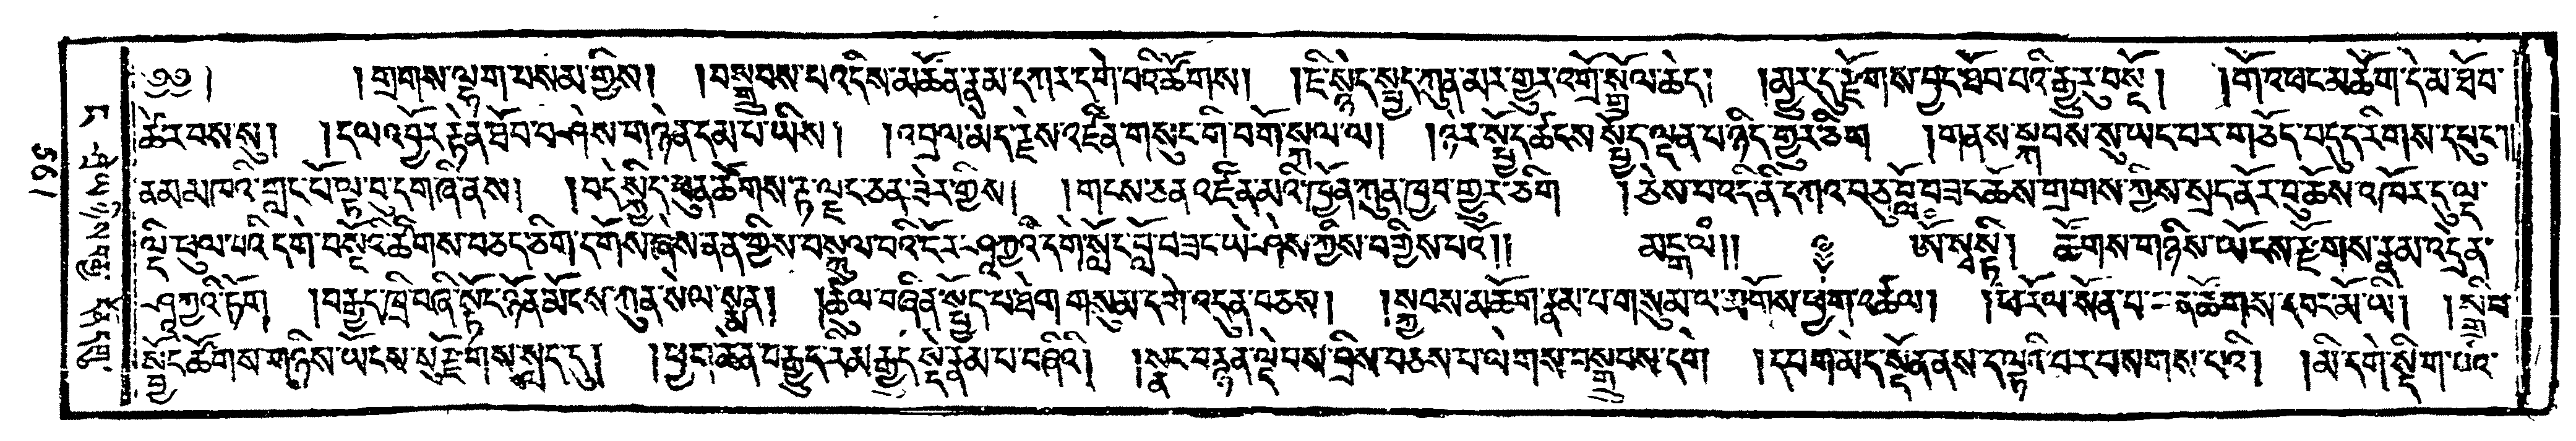༄༅། །གྲགས་ལྷག་བསམ་གྱིས། །བསྒྲུབས་པ་འདིས་མཚོན་རྣམ་དཀར་དགེ་བའི་ཚོགས། །ཇི་སྙེད་སྤྱད་ཀུན་མར་གྱུར་འགྲོ་སྒྲོལ་ཆེད། །མྱུར་དུ་རྫོགས་བྱང་ཐོབ་པའི་རྒྱུ་རུ་བསྔོ། །གོ་འཕང་མཆོག་དེ་མ་ཐོབ་
ཚེ་རབས་སུ། །དལ་འབྱོར་རྟེན་ཐོབ་བཤེས་གཉེན་དམ་པ་ཡིས། །འབྲལ་མེད་རྗེས་འཛིན་གསུང་གི་བགོ་སྐལ་ལ། །ཉེར་སྤྱོད་ཚངས་སྤྱོད་ལྡན་པ་ཉིད་གྱུར་ཅིག །གནས་སྐབས་སུ་ཡང་བར་གཅོད་བདུད་རིགས་དཔུང།།
ནམ་མཁའི་གླང་པོ་ལྟ་བུ་དག་ཞི་ནས། །བདེ་སྐྱིད་ཕུན་ཚོགས་རྟ་ལྗང་ཅན་ཟེར་གྱིས། །གངས་ཅན་འཛིན་མའི་ཁྱོན་ཀུན་ཁྱབ་གྱུར་ཅིག །ཅེས་པ་འདི་ནི་དཀའ་བཅུ་བློ་བཟང་ཆོས་གྲགས་ཀྱིས་སྲད་ནོར་བུ་ཆོས་འཁོར་དུ་ལྔ་
ལྡི་ཕུལ་བའི་དགེ་སྔོའི་ཚིགས་བཅད་ཅིག་དགོས་ཞེས་ནན་གྱིས་བསྐུལ་བའི་ངོར་ཤཱཀྱའི་དགེ་སློང་བློ་བཟང་ཡེ་ཤེས་ཀྱིས་བགྱིས་པའོ།། མངྒ་ལཾ།། ༈ ཨོཾ་སྭསྟི། ཚོགས་གཉིས་ཡོངས་རྫོགས་རྣམ་འདྲེན་
ཤཱཀྱའི་ཏོག །བརྒྱད་ཁྲི་བཞི་སྟོང་ཉོན་མོངས་ཀུན་སེལ་སྨན། །ཚུལ་བཞིན་སྤྱོད་པ་ཐེག་གསུམ་དགེ་འདུན་བཅས། །སྐྱབས་མཆོག་རྣམ་པ་གསུམ་ལ་མགོས་ཕྱག་འཚལ། །ཕ་རོལ་སོན་པ་ཕན་ཚོགས་དབང་མོ་ཡི། །སྒྲིབ་
སྦྱོང་ཚོགས་གཉིས་ཡོངས་སུ་རྫོགས་སླད་དུ། །ཕྱག་ཆེན་བརྒྱུད་རིམ་རྒྱད་སྡེ་རྣམ་པ་བཞིའི། །སྣང་བརྙན་ལྡེབས་བྲིས་བཅས་པ་ལེགས་བསྒྲུབས་དགེ །དཔག་མེད་སྔོན་ནས་ད་ལྟའི་བར་བསགས་པའི། །མི་དགེ་སྡིག་པའི་